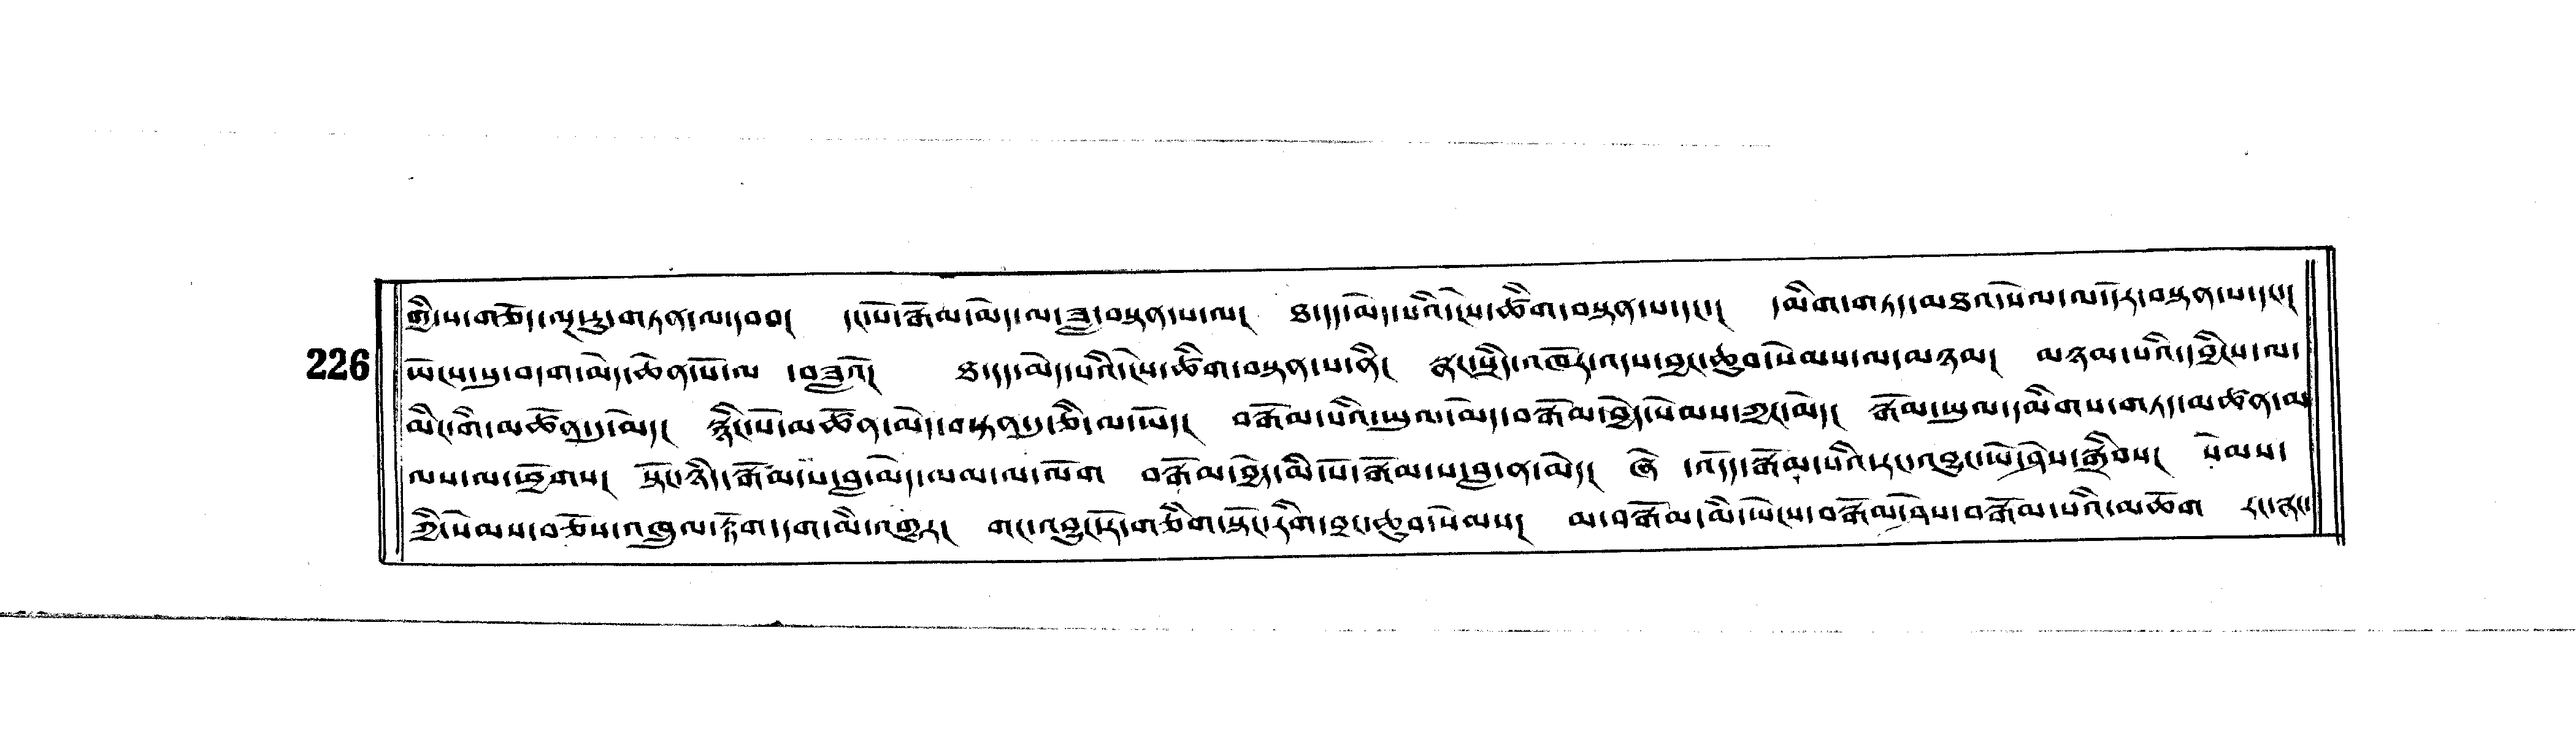གྱི་ས་གཅོད་ལྔ་རུ་གཏན་ལ་དབབ། དང་པོ་སྒོམ་མེད་ལ་ཟླ་བསྟན་པ་ལ། ཐ་དད་མེད་པའི་ངེས་ཚིག་བསྟན་པ་དང་། དམིགས་གཏད་མཐའ་སེལ་ལ་དོར་བསྟན་པ་དང་། 
ཡོངས་སུ་བདག་མེད་ཆེན་པོར་ལ་ བཟླ་འོ། ཐ་དད་མེད་པའི་ངེས་ཚིག་བསྟན་པ་ནི། སྣང་སྲིད་འཁོར་འདས་བྱང་ཆུབ་སེམས་ལ་མཉམ། མཉམ་པའི་དབྱིངས་ལ་
མིང་གིས་མཚོན་དུ་མེད། སྙིང་པོ་མཚོན་མེད་བསྟན་དུ་ཅི་ལ་ཡོད། བསྒོམ་པའི་ཡུལ་མེད་བསྒོམ་བྱེད་སེམས་ཀྱང་མེད། བསྒོམ་ཡུལ་དམིགས་གཏད་མཚན་མ་
ལས་ལ་ཕྱོགས། སྟོང་ཉིད་བསྒོམ་པ་བླ་མེད་ལམ་ལ་ལོག བསྒོམ་བྱེད་མི་ཕོ་བསྒོམ་པ་བླ་ན་མེད། ཞེ་འདོད་སྒོམ་པའི་རང་འབྱུང་ཡེ་ཤེས་བསྒྲིབས། སེམས་
ཀྱིས་སེམས་བཅོས་འཁྲུལ་རྟོག་དག་མི་འགྱུར། གང་འབྱུང་རོ་གཅིག་སྟོང་རིག་བྱང་ཆུབ་སེམས། མ་བསྒོམ་མི་ཡེངས་བསྒོམ་ཤེས་བསྒོམ་པའི་མཆོག རང་སྣང་